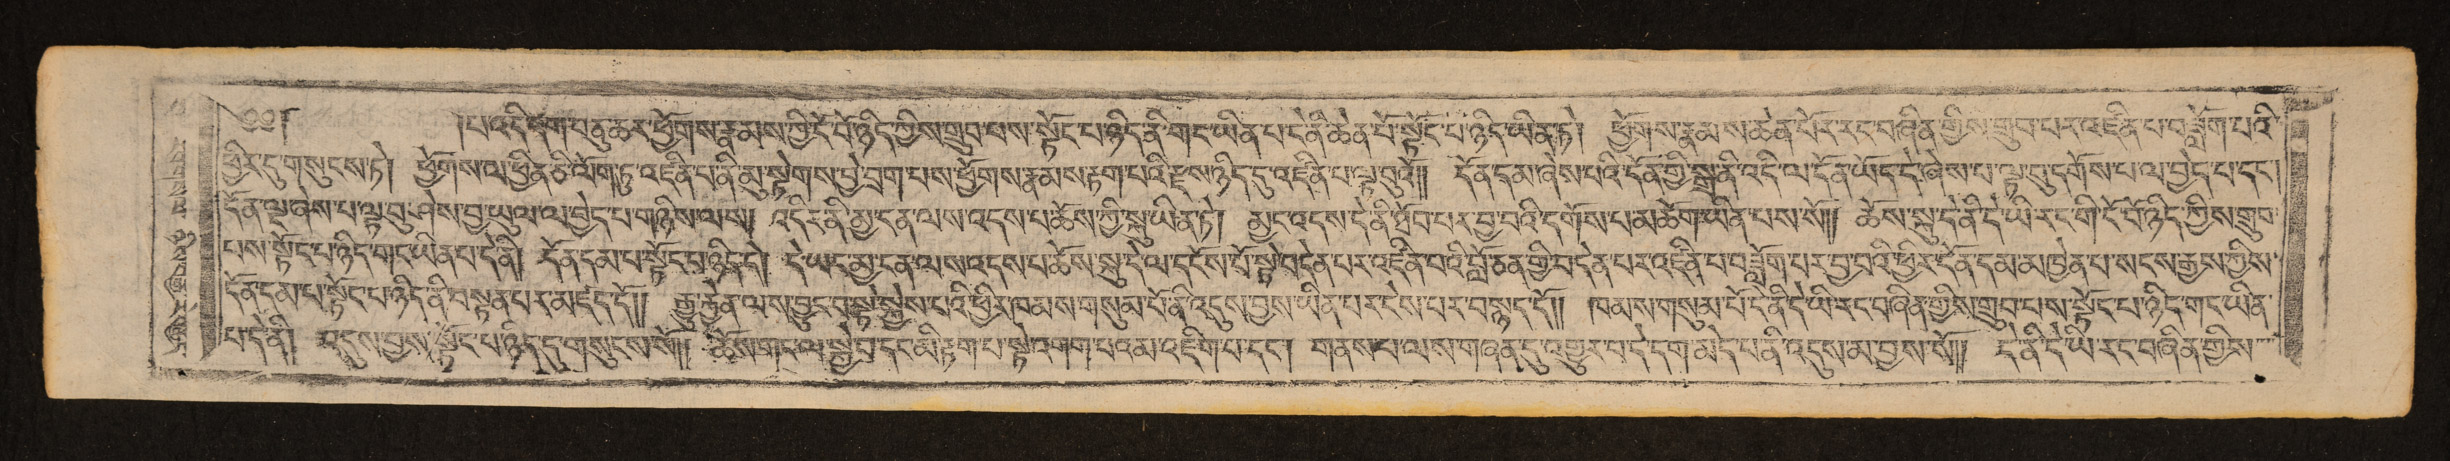༄༅། །པ་འདི་དག་བཅུ་ཆར་ཕྱོགས་རྣམས་ཀྱི་ངོ་བོ་ཉིད་ཀྱིས་གྲུབ་པས་སྟོང་པ་ཉིད་ནི་གང་ཡིན་པ་དེ་ནི་ཆེན་པོ་སྟོང་པ་ཉིད་ཡིན་ཏེ། ཕྱོགས་རྣམས་ཆེན་པོར་རང་བཞིན་གྱིས་གྲུབ་པར་འཛིན་པ་བཟློག་པའི་
ཕྱིར་དུ་གསུངས་ཏེ། ཕྱོགས་ལ་ཕྱིན་ཅི་ལོག་ཏུ་འཛིན་པ་ནི་མུ་སྟེགས་བྱེ་བྲག་པས་ཕྱོགས་རྣམས་རྟག་པའི་རྫས་ཉིད་དུ་འཛིན་པ་ལྟ་བུའོ།། དོན་དམ་ཞེས་པའི་དོན་གྱི་སྒྲ་ནི་འདི་ལ་དོན་ཡོད་དེ་ཞེས་པ་ལྟ་བུ་དགོས་པ་ལ་བྱེད་པ་དང་།
དོན་ལྔ་ཞེས་པ་ལྟ་བུ་ཤེས་བྱ་ཡུལ་ལ་བྱེད་པ་གཉིས་ལས། འདིར་ནི་མྱ་ངན་ལས་འདས་པ་ཆོས་ཀྱི་སྐུ་ཡིན་ཏེ། མྱང་འདས་དེ་ནི་ཐོབ་པར་བྱ་བའི་དགོས་པ་མཆོག་ཡིན་པས་སོ།། ཆོས་སྐུ་དེ་ནི་དེ་ཡི་རང་གི་ངོ་བོ་ཉིད་ཀྱིས་གྲུབ་
པས་སྟོང་པ་ཉིད་གང་ཡིན་པ་དེ་ནི། དོན་དམ་པ་སྟོང་པ་ཉིད་དེ། དེ་ཡང་མྱ་ངན་ལས་འདས་པ་ཆོས་སྐུ་དེ་ལ་དངོས་པོ་སྟེ་བདེན་པར་འཛིན་པའི་བློ་ཅན་གྱི་བདེན་པར་འཛིན་པ་བཟློག་པར་བྱ་བའི་ཕྱིར་དོན་དམ་མཁྱེན་པ་སངས་རྒྱས་ཀྱིས་
དོན་དམ་པ་སྟོང་པ་ཉིད་ནི་བསྟན་པར་མཛད་དོ།། རྒྱུ་རྐྱེན་ལས་བྱུང་བ་སྟེ་སྐྱེས་པའི་ཕྱིར་ཁམས་གསུམ་པོ་ནི་འདུས་བྱས་ཡིན་པར་ངེས་པར་བསྙད་དོ།། ཁམས་གསུམ་པོ་དེ་ནི་དེ་ཡི་རང་བཞིན་གྱིས་གྲུབ་པས་སྟོང་པ་ཉིད་གང་ཡིན་
པ་དེ་ནི། འདུས་བྱས་སྟོང་པ་ཉིད་དུ་གསུངས་སོ།། ཆོས་གང་ལ་སྐྱེ་བ་དང་མི་རྟག་པ་སྟེ་འགག་པའམ་འཇིག་པ་དང་། གནས་པ་ལས་གཞན་དུ་འགྱུར་བ་དེ་དག་མེད་པ་ནི་འདུས་མ་བྱས་སོ།། དེ་ནི་དེ་ཡི་རང་བཞིན་གྱིས་